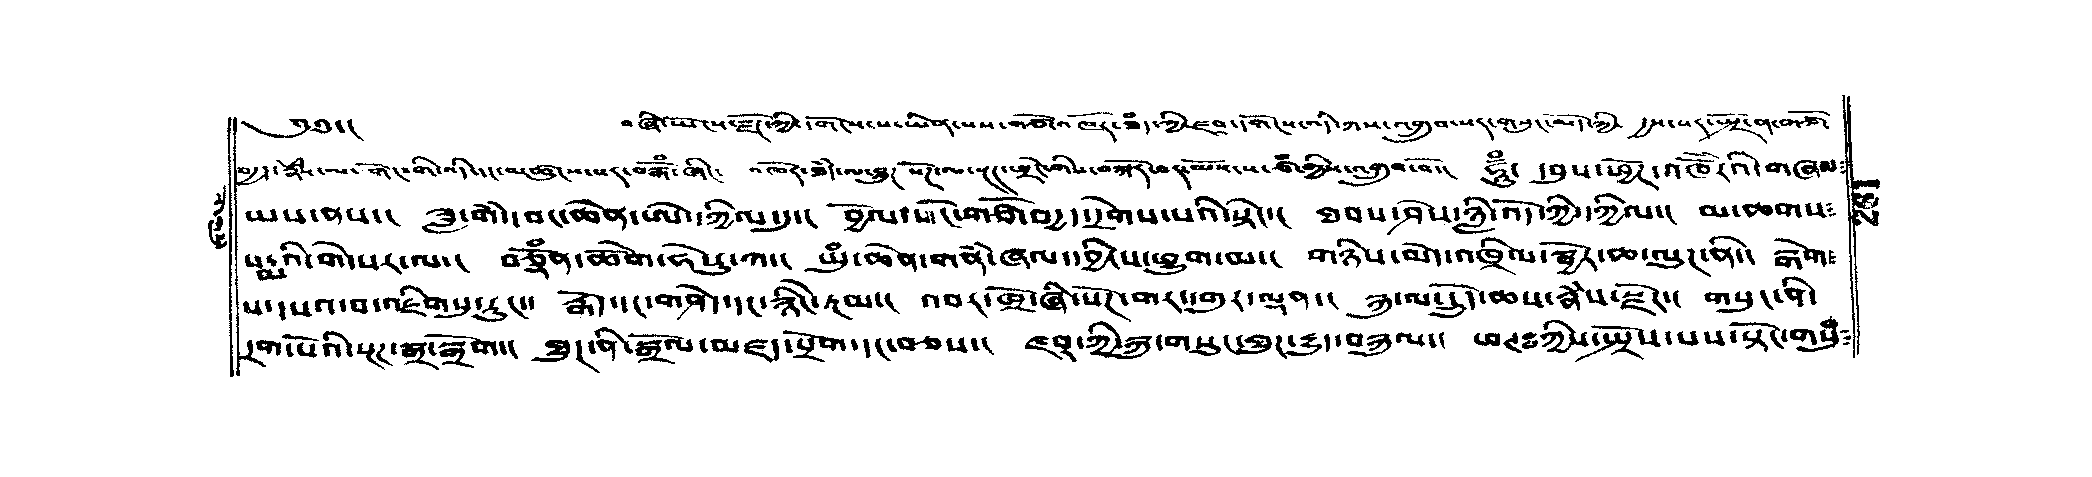བཞི་ཡོངས་རྫོགས་ཀྱི་དགོངས་པ་ཡིན་པས་གཙོ་འཁོར་ཐམས་ཅད་ཀྱི་འཛབ་དགོངས་འདི་ཀས་འགྲུབ་པར་གསུང་མོད་ཀྱི། རྒྱས་པར་སྤྲོ་ན་གཙོ་
བརྒྱད་རྣམས་ལ་གོང་གི་འདི་དང་མཚུངས་པར་བསྒོམ་ཞིང་། འཁོར་ཐམས་ཅད་ལ་ཐུགས་སྲོག་ལ་སྔགས་ཕྲེང་གིས་བསྐོར་བར་མོས་པ་ཙམ་གྱིས་འགྲུབ་བོ། ཧཱུྃ། དབུས་ཕྱོགས་འཁོར་ལོའི་གཞལ་
ཡས་ནས། །ཟླ་གམ་དབང་ཆེན་ཡེ་དཀྱིལ་དུ། །བྱོལ་སོང་གཙོ་བརྒྱད་དྲེགས་པའི་སྟེང་། །ཐབས་ཤེས་ཉི་ཟླའི་འོད་ཀྱི་དཀྱིལ། །མ་ཆགས་
པདྨའི་གེ་སར་ལ། །བཅོམ་ལྡན་ཆེ་མཆོག་ཧེ་རུ་ཀ། །ཡུམ་ཆེན་གནམ་ཞལ་དབྱིངས་ཕྱུག་མ། །གཉིས་མེད་འཁྲིལ་སྦྱོར་ཆ་ལུགས་ནི། །སྒེག་
པ་དཔའ་བ་འཇིགས་སུ་རུང་། །རྒོད་དང་གཤེད་དང་སྙིང་རྗེ་རྔམ། །འབར་ཁྲོ་ཞི་སོགས་གར་དགུར་ལྡན། །སྐུ་ལ་དུར་ཁྲོད་ཆས་རྣམས་རྫོགས། །གསུང་ནི་
དྲག་པོའི་སྔགས་སྒྲ་སྒྲོག་ཐུགས་ནི་སྒྲོལ་མཛད་སྲོག་དང་བཅས། །འཛབ་ཀྱི་སྐུ་གསུང་ཐུགས་རྒྱུད་བསྐུལ། །ཕཊཿཀྱིས་སྤྲོས་པས་སྟོང་གསུམ་